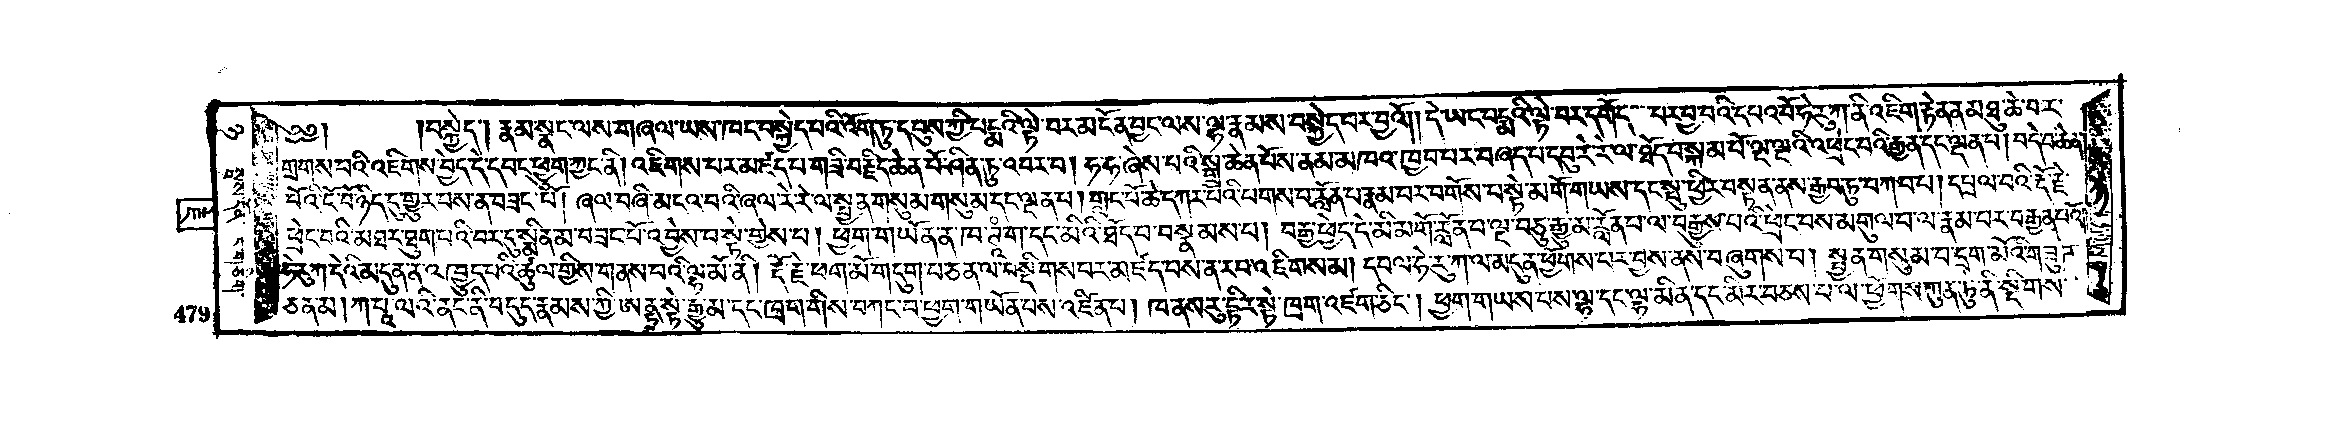༄༅། །བསྐྱེད། རྣམ་སྣང་ལས་གཞལ་ཡས་ཁང་བསྐྱེད་པའི་འོག་ཏུ་དབུས་ཀྱི་པདམའི་ལྟེ་བར་མངོན་བྱང་ལས་ལྷ་རྣམས་བསྐྱེད་པར་བྱའོ། །དེ་ཡང་པདམའི་ལྟེ་བར་དགོད་པར་བྱ་བའི་དཔའ་བོ་ཧེ་རུ་ཀ་ནི་འཇིག་རྟེན་ན་མཐུ་ཆེ་བར་
གྲགས་པའི་འཇིགས་བྱེད་དེ་དབང་ཕྱུག་ཀྱང་ནི། འཇིགས་པར་མཛད་པ་གཟི་བརྗིད་ཆེན་པོ་ཤིན་ཏུ་འབར་བ། ཧ་ཧ་ཞེས་པའི་སྒྲ་ཆེན་པོས་ནམ་མཁའ་ཁྱབ་པར་བཞད་པ་དབུ་རེ་རེ་ལ་ཐོད་པ་སྐམ་པོ་ལྔ་ལྔའི་འཕྲེང་བའི་རྒྱན་དང་ལྡན་པ། བདེ་བ་ཆེན་
པོའི་ངོ་བོ་ཉིད་དུ་གྱུར་བས་ན་བཟང་པོ། ཞལ་བཞི་མངའ་བའི་ཞལ་རེ་རེ་ལ་སྤྱན་གསུམ་གསུམ་དང་ལྡན་པ། གླང་པོ་ཆེ་དཀར་པོའི་པགས་པ་རློན་པ་རྣམ་པར་བགོས་པ་སྟེ་མགོ་གཡས་དང་སྤུ་ཕྱིར་བསྟན་ནས་རྒྱབ་ཏུ་བཀབ་པ། དཔྲལ་བའི་རྡོ་རྗེ་
ཕྲེང་བའི་མཐར་ཐུག་པའི་བར་དུ་སྨིན་མ་བཟང་པོ་འབྱེས་པ་སྟེ་གྱེས་པ། ཕྱག་གཡོན་ན་ཁ་ཊཱཾ་ག་དང་མིའི་ཐོད་པ་བསྣམས་པ། བརྒྱ་ཕྱེད་དེ་མི་མགོ་རློན་པ་ལྔ་བཅུ་རྒྱུ་མ་རློན་པ་ལ་བརྒྱུས་པའི་ཕྲེང་བས་མགུལ་པ་ལ་རྣམ་པར་བརྒྱན་པའོ། །
ཧེ་རུ་ཀ་དེའི་མདུན་ན་འཁྱུད་པའི་ཚུལ་གྱིས་གནས་པའི་ལྷ་མོ་ནི། རྡོ་རྗེ་ཕག་མོ་གདུག་པ་ཅན་ལ་བསྡིགས་པར་མཛད་བས་ན་རབ་འཇིགས་མ། དཔལ་ཧེ་རུ་ཀ་ལ་མདུན་ཕྱོགས་པར་བྱས་ནས་བཞུགས་པ། སྤྱན་གསུམ་པ་དྲག་མོའི་གཟུགས་
ཅན་མ། ཀ་པཱ་ལའི་ནང་ནི་བདུད་རྣམས་ཀྱི་ཨནྟཱ་སྟེ་རྒྱུ་མ་དང་ཁྲག་གིས་བཀང་བ་ཕྱག་གཡོན་པས་འཛིན་པ། ཁ་ནས་རུ་དྟི་ར་སྟེ་ཁྲག་འཛག་ཅིང་། ཕྱག་གཡས་པས་ལྷ་དང་ལྷ་མིན་དང་མིར་བཅས་པ་ལ་ཕྱོགས་ཀུན་ཏུ་ནི་སྡིགས་